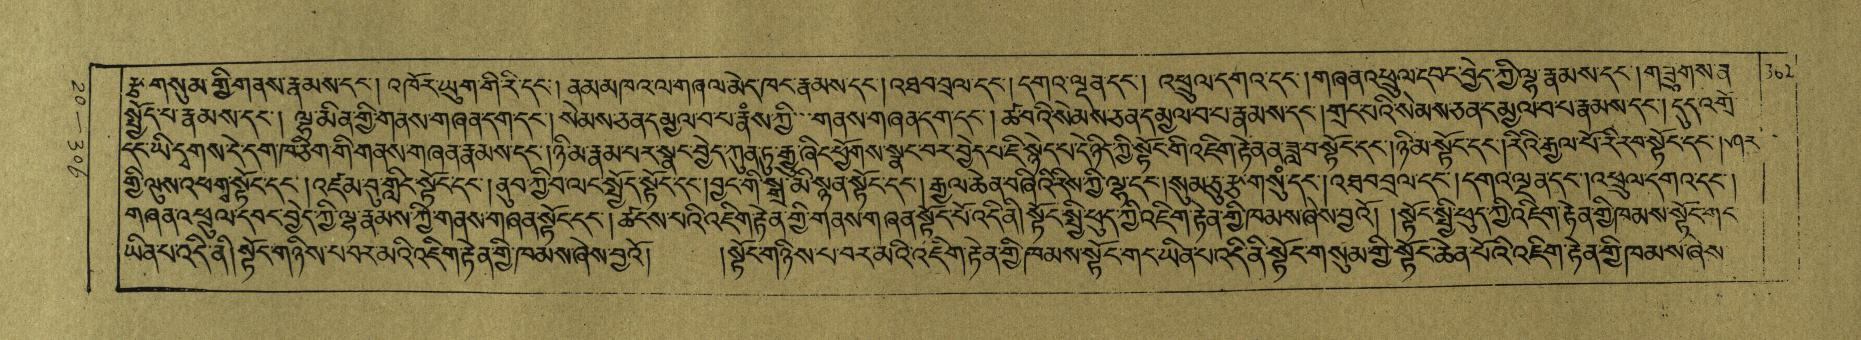རྩ་གསུམ་གྱི་གནས་རྣམས་དང་། འཁོར་ཡུག་གི་རི་དང་། ནམ་མཁའ་ལ་གཞལ་མེད་ཁང་རྣམས་དང་། འཐབ་བྲལ་དང་། དགའ་ལྡན་དང་། འཕྲུལ་དགའ་དང་། གཞན་འཕྲུལ་དབང་བྱེད་ཀྱི་ལྷ་རྣམས་དང་། གཟུགས་ན་
སྤྱོད་པ་རྣམས་དང་། ལྷ་མིན་གྱི་གནས་གཞན་དག་དང་། སེམས་ཅན་དམྱལ་བ་པ་རྣཾས་ཀྱི་གནས་གཞན་དག་དང་། ཚ་བའི་སེམས་ཅན་དམྱལ་བ་པ་རྣམས་དང་།གྲང་པའི་སེམས་ཅན་དམྱལ་བ་པ་རྣམས་དང་། དུད་འགྲོ་
དང་ཡི་དྭགས་དེ་དག་ཁ་ཅིག་གི་གནས་གཞན་རྣམས་དང་། ཉི་མ་རྣམ་པར་སྣང་བྱེད་ཀུན་ཏུ་རྒྱུ་ཞིང་ཕྱོགས་སྣང་བར་བྱེད་པ་ཇི་སྙེད་པ་དེ་ཉིད་ཀྱི་སྟོང་གི་འཇིག་རྟེན་ན་ཟླ་བ་སྟོང་དང་། ཉི་མ་སྟོང་དང་། རིའི་རྒྱལ་པོ་རི་རབ་སྟོང་དང་། ཤར་
གྱི་ལུས་འཕགས་སྟོང་དང་། འཛམ་བུ་གླིང་སྟོང་དང་། ནུབ་ཀྱི་བ་ལང་སྤྱོད་སྟོང་དང་། བྱང་གི་སྒྲ་མི་སྙན་སྟོང་དང་། རྒྱལ་ཆེན་བཞིའི་རིས་ཀྱི་ལྷ་དང་། སུམ་ཅུ་རྩ་གསུཾ་དང་། འཐབ་བྲལ་དང་། དགའ་ལྡན་དང་། འཕྲུལ་དགའ་དང་།
གཞན་འཕྲུལ་དབང་བྱེད་ཀྱི་ལྷ་རྣམས་ཀྱི་གནས་གཞན་སྟོང་དང་། ཚངས་པའི་འཇིག་རྟེན་གྱི་གནས་གཞན་སྟོང་པོ་འདི་ནི། སྟོང་སྤྱི་ཕུད་ཀྱི་འཇིག་རྟེན་གྱི་ཁམས་ཞེས་བྱའོ། །སྟོང་སྤྱི་ཕུད་ཀྱི་འཇིག་རྟེན་གྱི་ཁམས་སྟོང་གང་
ཡིན་པ་འདི་ནི། སྟོང་གཉིས་པ་བར་མའི་འཇིག་རྟེན་གྱི་ཁམས་ཞེས་བྱའོ། །སྟོང་གཉིས་པ་བར་མའི་འཇིག་རྟེན་གྱི་ཁམས་སྟོང་གང་ཡིན་པ་འདི་ནི་སྟོང་གསུམ་གྱི་སྟོང་ཆེན་པོའི་འཇིག་རྟེན་གྱི་ཁམས་ཞེས་